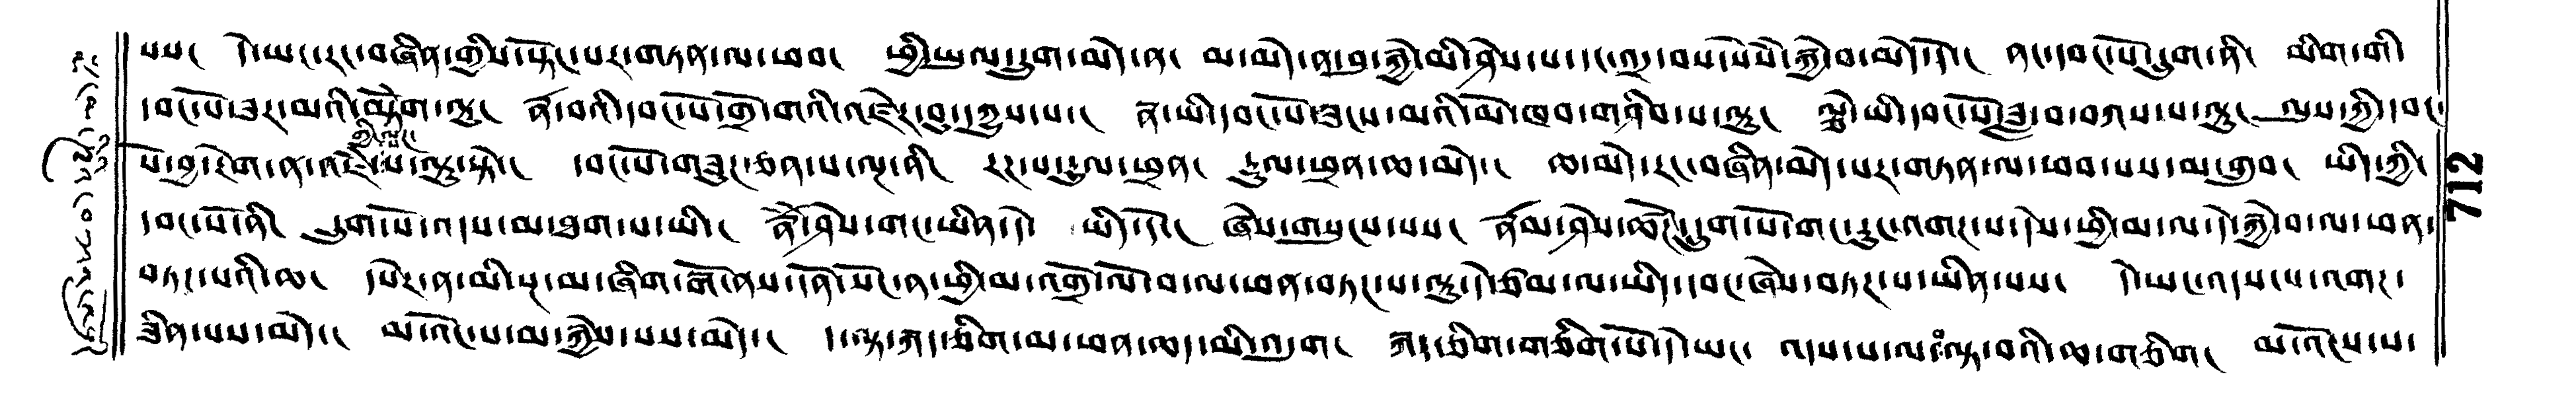པས། དེ་ཡང་རང་བཞིན་གྱིས་སྟོང་པར་གཏན་ལ་ཕབ། ཕྱི་ཡུལ་དྲུག་མེད་ན། མ་མེད་ན་བུ་སྐྱེ་མི་ཤེས་པ་དང་འདྲ་བས་སེམས་སྐྱེ་བ་མེད་དོ། ནང་དབང་པོ་དྲུག་ནི། མིག་གི་
དབང་པོ་ཟར་མའི་མེ་ཏོག་ལྟ་བུ། རྣ་བའི་དབང་པོ་གྲོ་གའི་འཛེར་བུ་གཅུས་པ། སྣ་ཡི་དབང་པོ་ཟངས་ཀྱྀ་མོ་ཁབ་གཤིབ་པ་ལྟ་བུ། ལྕེ་ཡི་དབང་པོ་ཟླ་བ་བཀས་པ་ལྟ་བུ། ལུས་ཀྱི་དབང་
པོ་བྱ་རེག་ན་འཇམ་གྱི་ལྤགས་པ་ལྟ་བུ་སྟེ། དབང་པོ་གཟུགས་ཅན་པ་ལྔ་ནི། རངས་པ་རྡུལ་ཕྲན། རྡུལ་ཕྲན་ཆ་མེད། ཆ་མེད་རང་བཞིན་མེད་པར་གཏན་ལ་ཕབ་པས་མ་གྲུབ། ཡིད་ཀྱི་
དབང་པོ་ནི། དྲུག་པོ་འདས་མ་ཐག་པ་ཡི། རྣམ་ཤེས་གང་ཡིན་དེ་ཡིད་དོ། ཞེས་གསུངས་པས། རྣམ་ཤེས་ཚོགས་དྲུག་པོ་གང་རུང་འགགས་པ་དེས་ཕྱི་མ་ལ་དེ་སྐྱེ་བ་ལ་ཕན་
བཏགས་པའི་ཆ། དཔེར་ན་མི་སྔ་མ་ཞིག་སྒོ་ནས་དོན་སོང་ན་ཕྱི་མ་འགྲོ་ལོ་བ་ལ་ཕན་བཏགས་པ་ལྟ་བུ་དེ་ཙམ་ལ་ཡིད་དབང་ཞེས་བཏགས་པ་ཡིན་པས། དེ་ཡང་འདས་པ་འགགས་
ཟིན་པས་མེད། མ་འོངས་པ་མ་སྐྱེས་པས་མེད། ད་ལྟ་སྐད་ཅིག་མ་ཕན་ཆད་མི་འདུག སྐད་ཅིག་གཅིག་པོ་དེ་ཡང་། འདས་པ་ལ་བལྟ་བའི་ཆ་གཅིག མ་འོངས་པ་